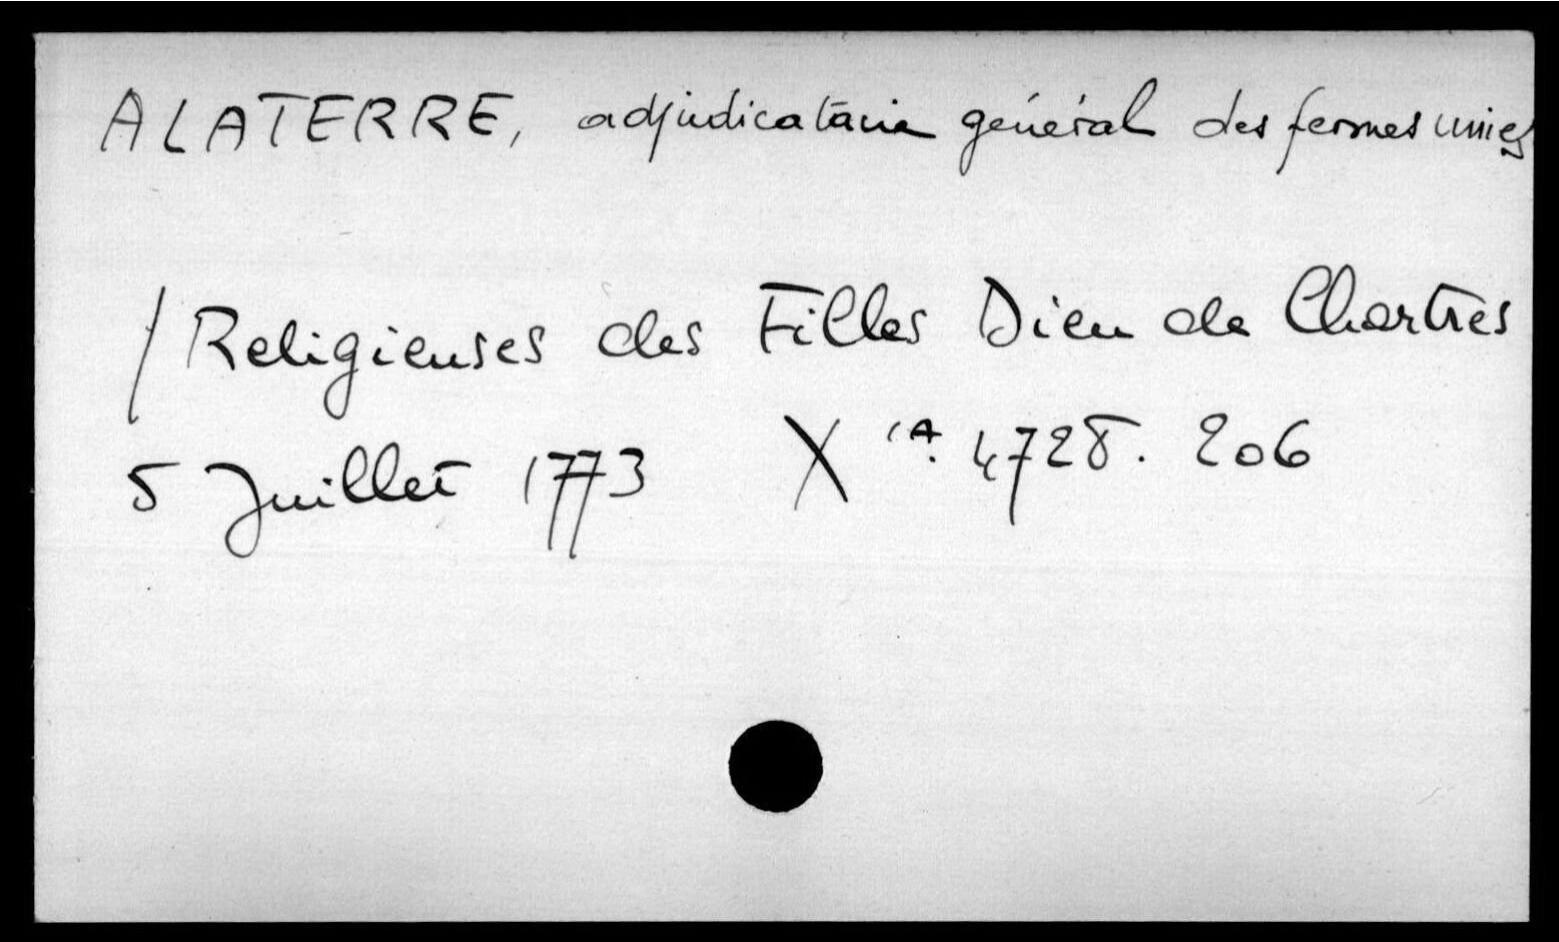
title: ALATERRE, adjudicataire général des fermes unies
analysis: Contre Religieuses des Filles Dieu de Chartres
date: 5 juillet 1773
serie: X1A
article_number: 4728
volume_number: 206
